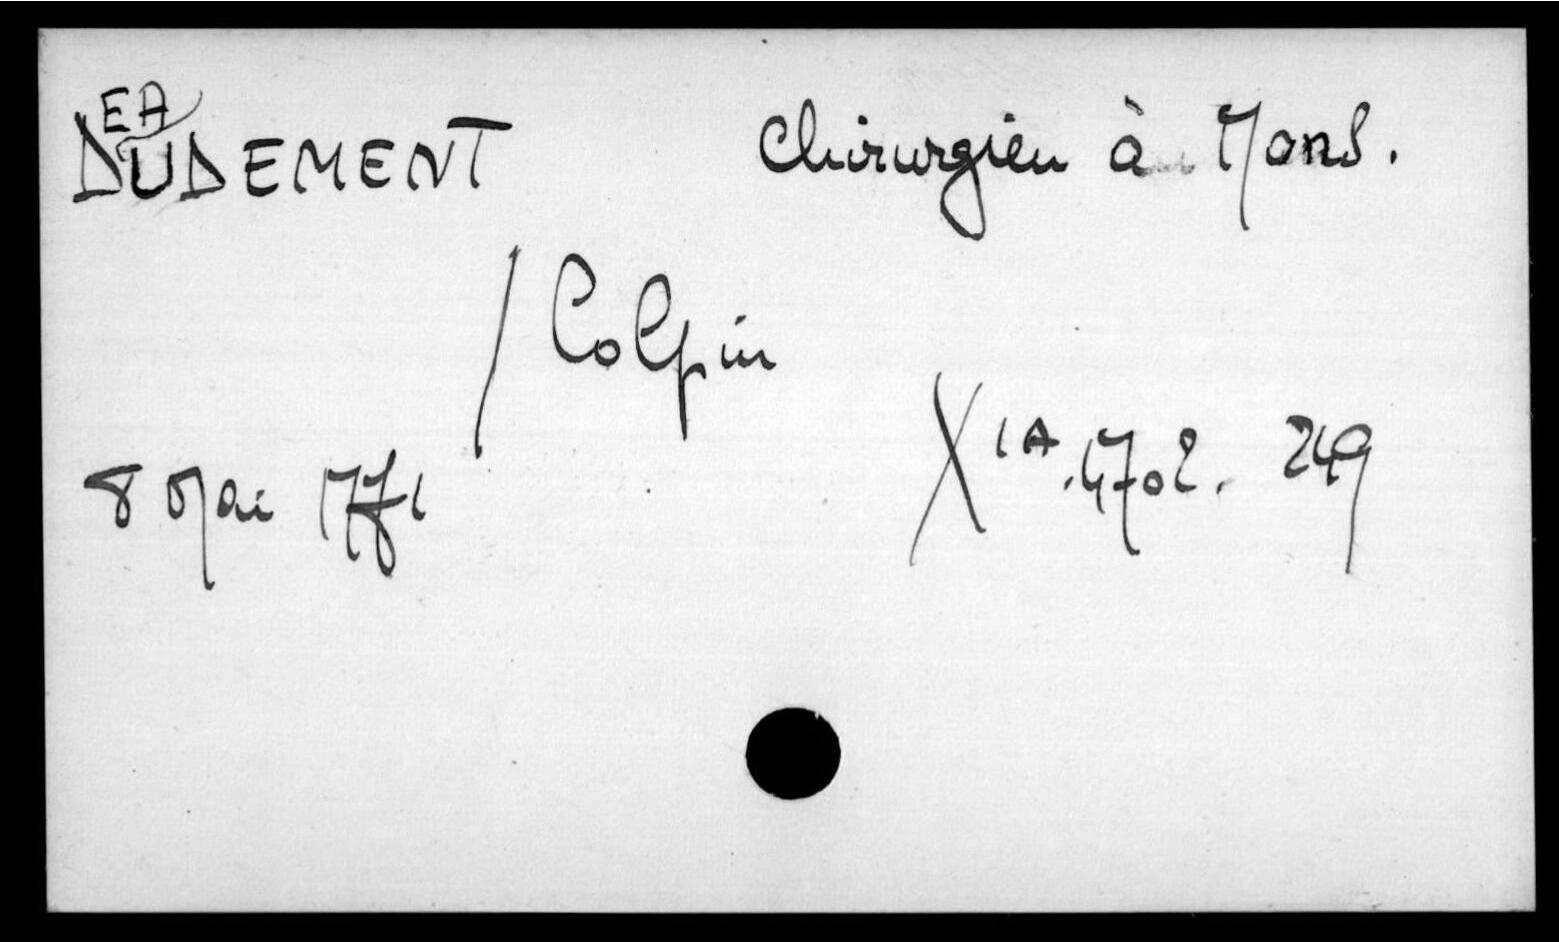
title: DEAUDEMENT chirurgien à Mons
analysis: Contre Colpin
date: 8 mai 1771
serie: X1A
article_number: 4702
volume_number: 249
